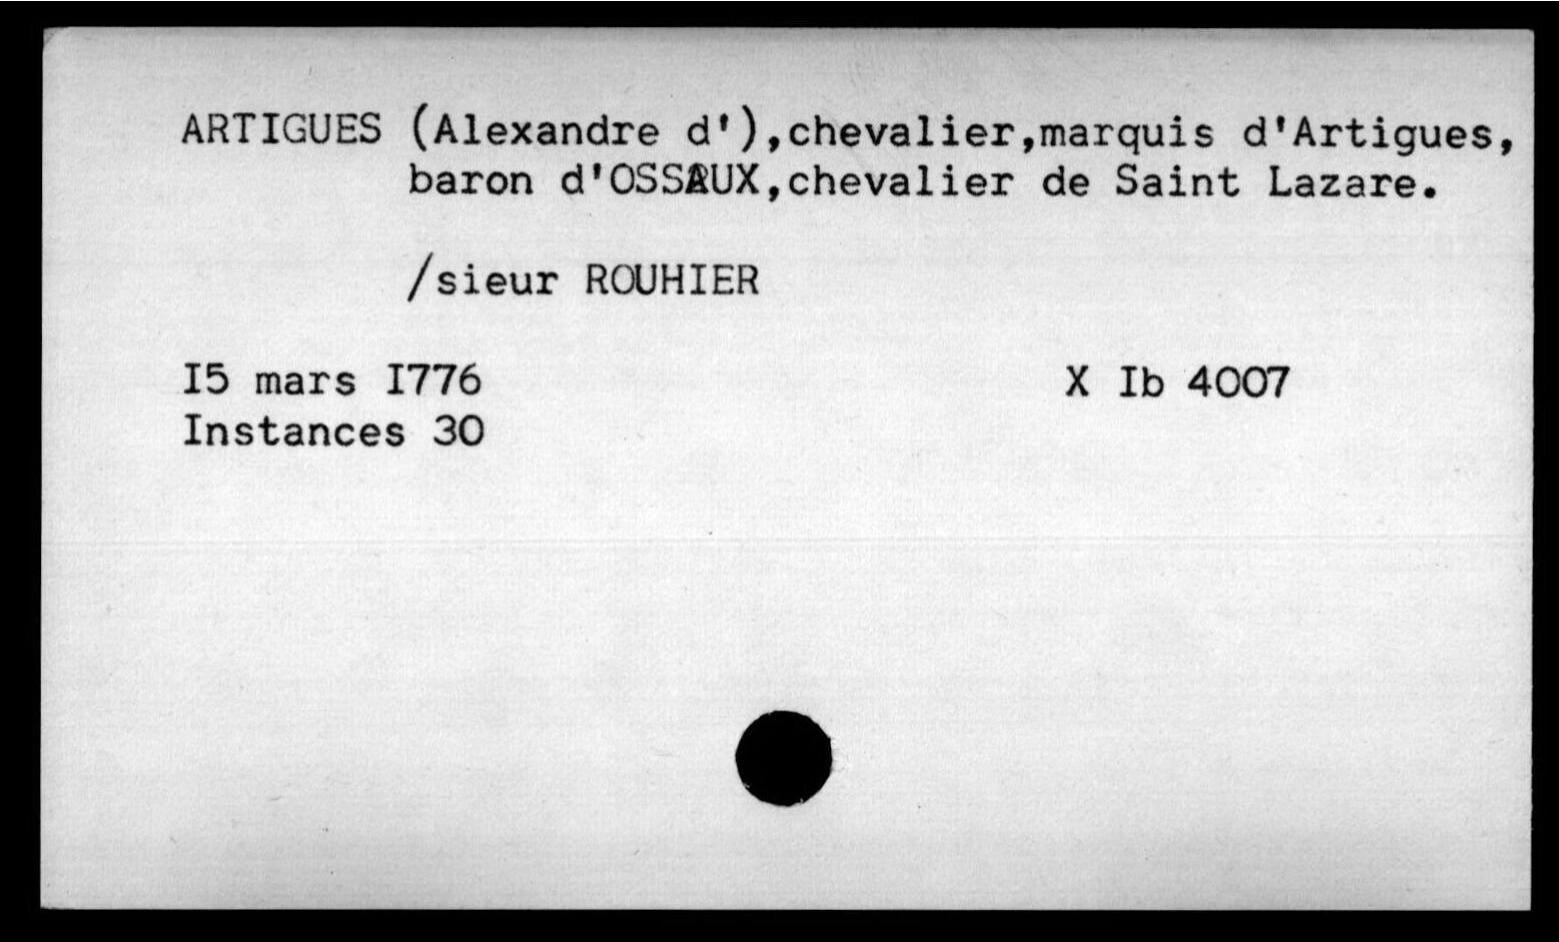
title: ARTIGUES (Alexandre d'), chevalier, marquis d'Artigues, baron d'Ossaux, chevalier de Saint-Lazare
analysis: Contre sieur ROUHIER
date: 15 mars 1776
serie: X1b
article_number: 4007
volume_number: Instances, 30
